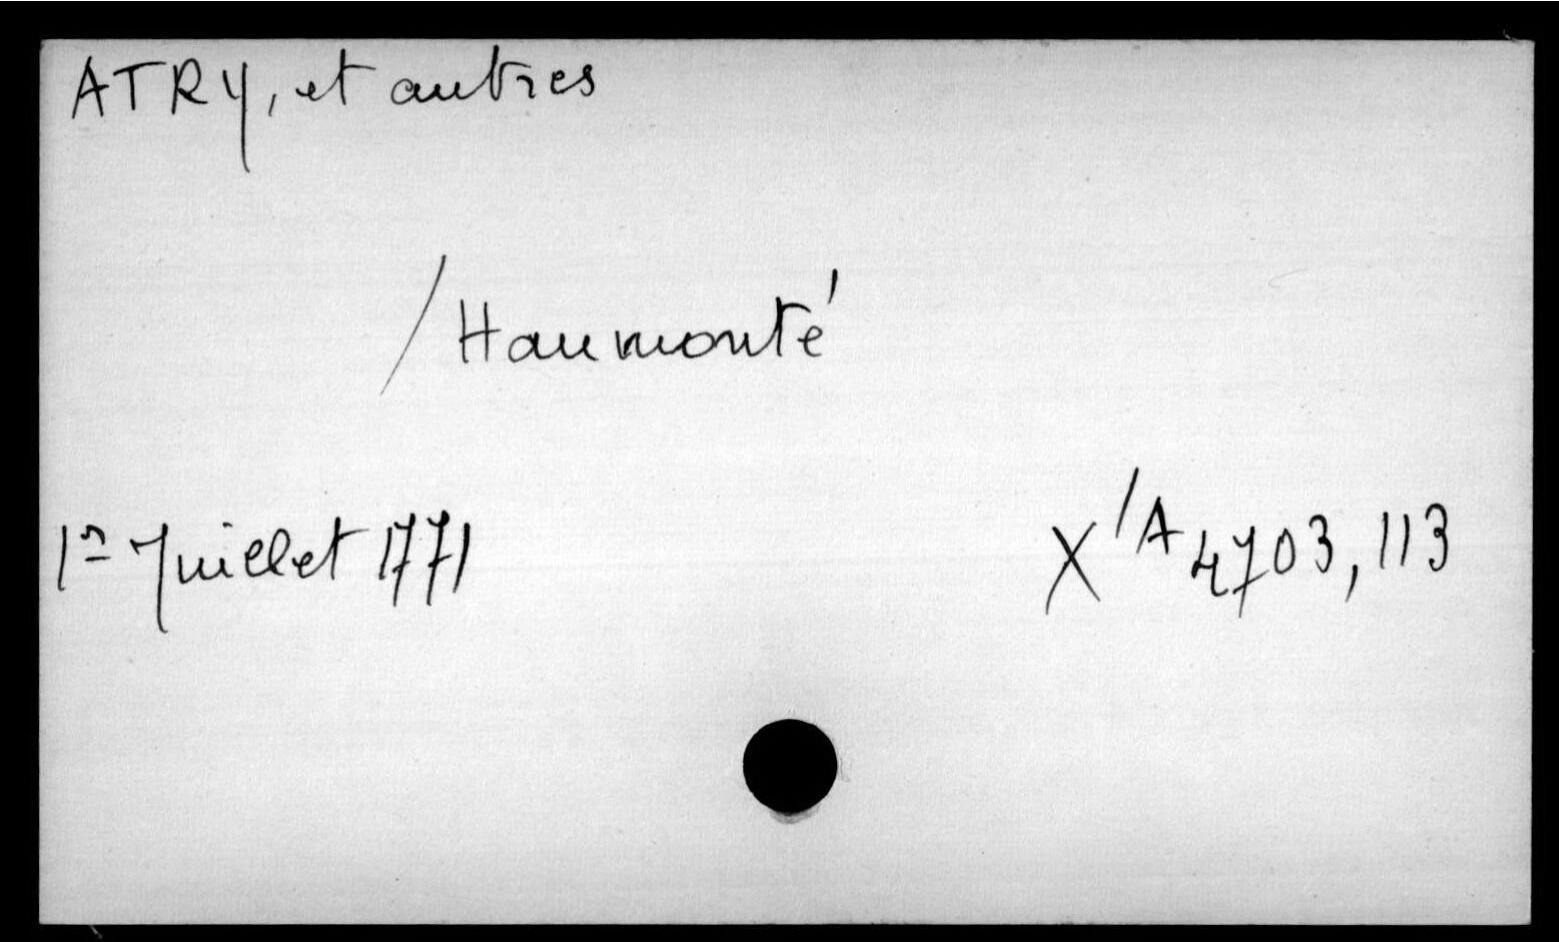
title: ATRY, et autres
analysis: Contre Haumonté
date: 1 juillet 1771
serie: X1A
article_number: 4703
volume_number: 113
